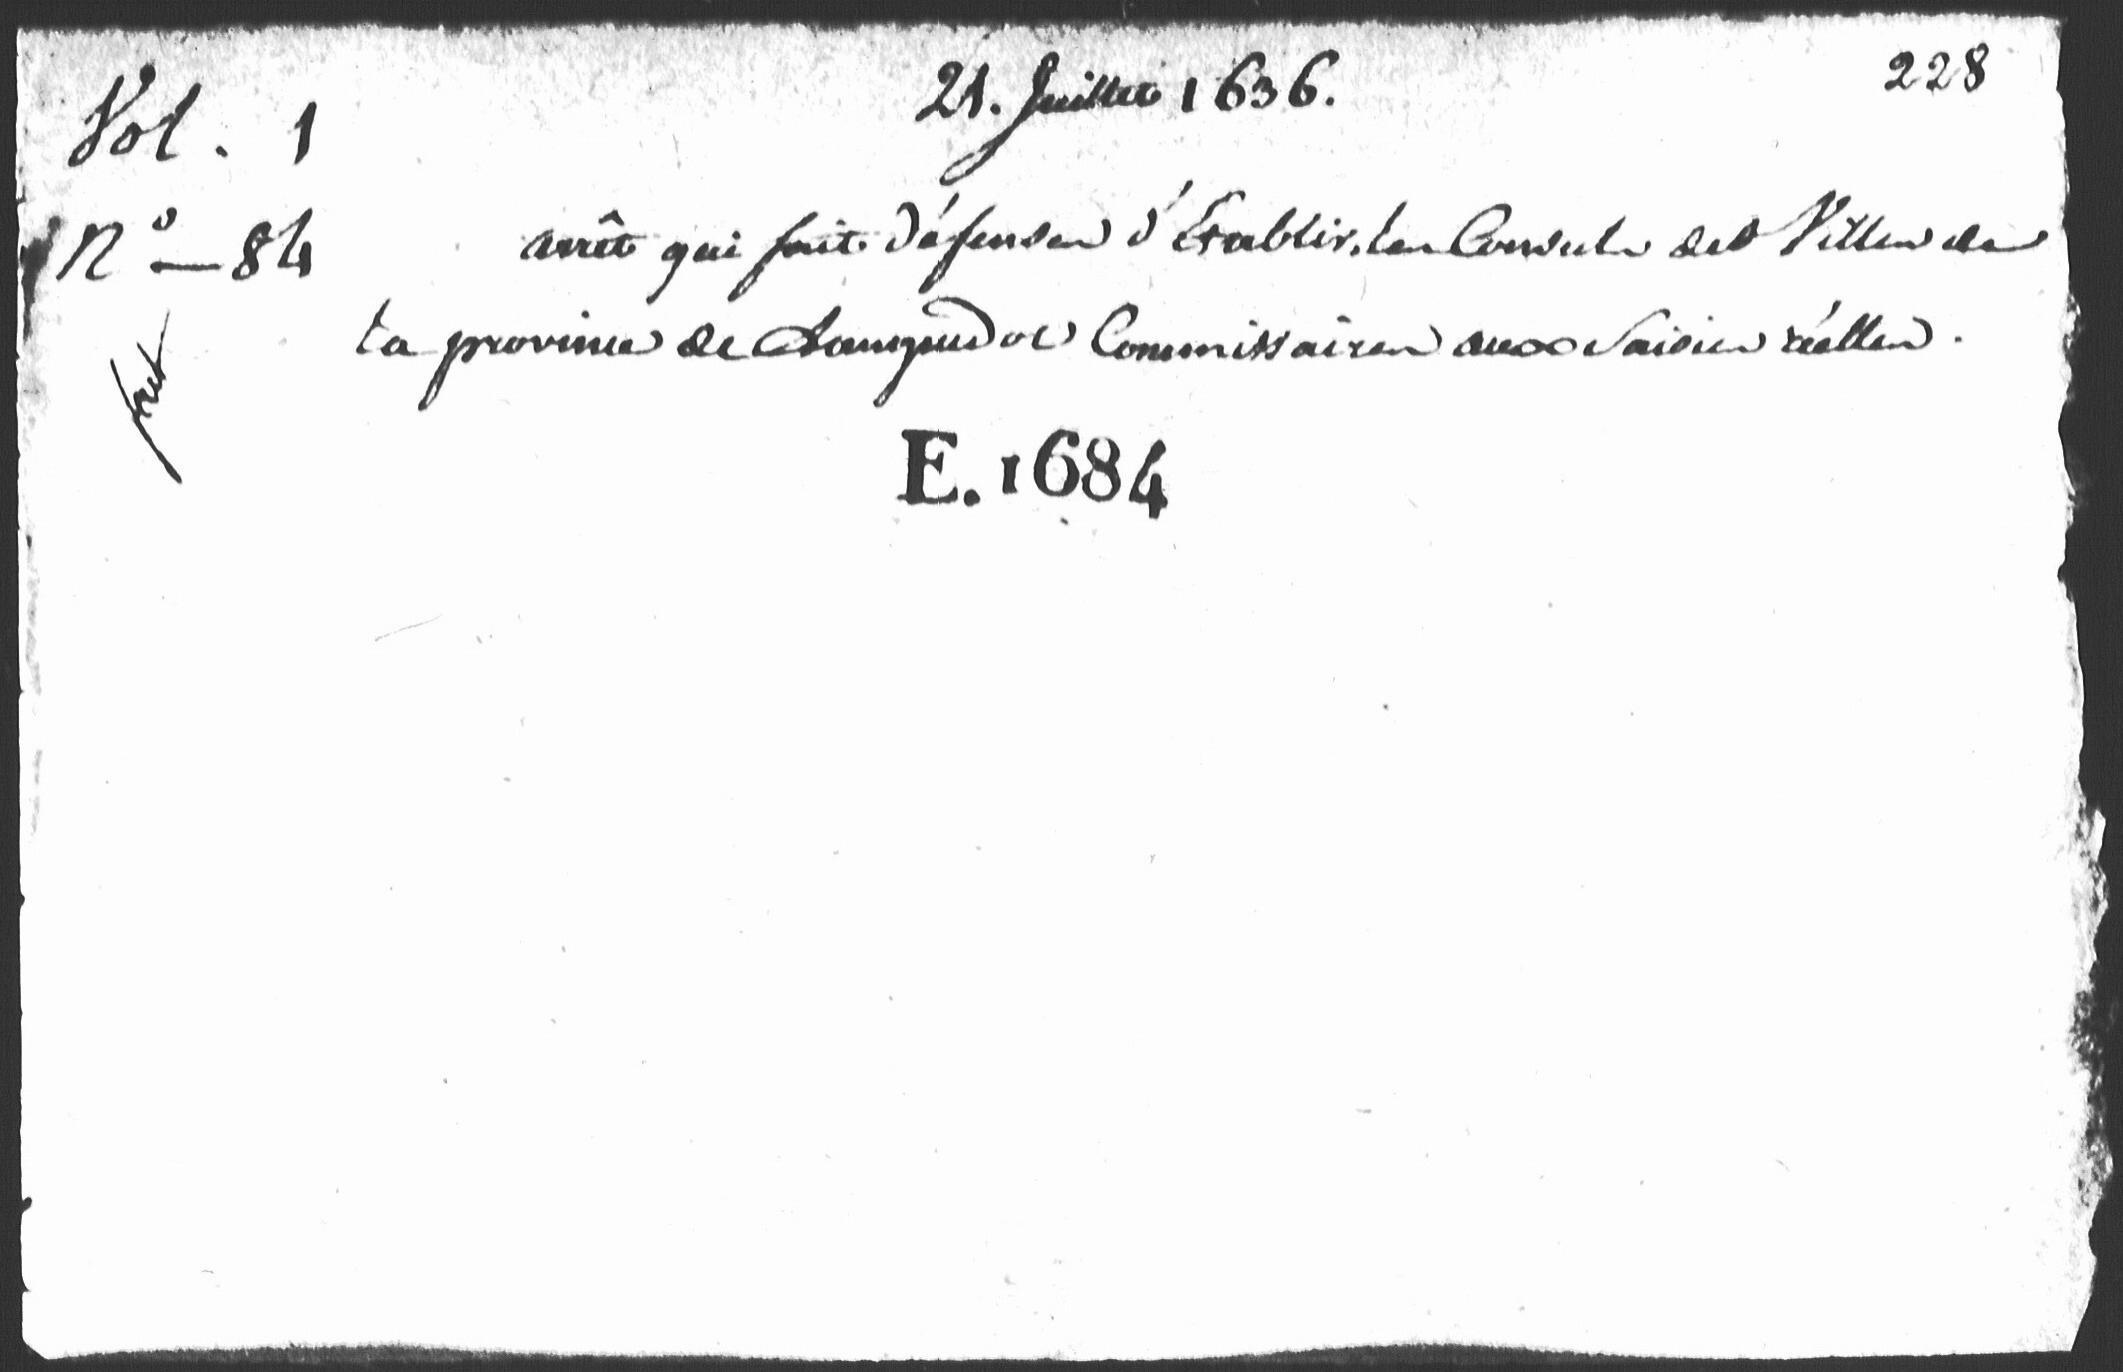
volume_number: n°84
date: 21 juillet 1636
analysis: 228
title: arrêt qui fait défenses d'etablir les Consuls des Villes de la province de Languedoc Commissaires aux saisies réelles.
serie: E
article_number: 1684
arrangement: vol. 1
